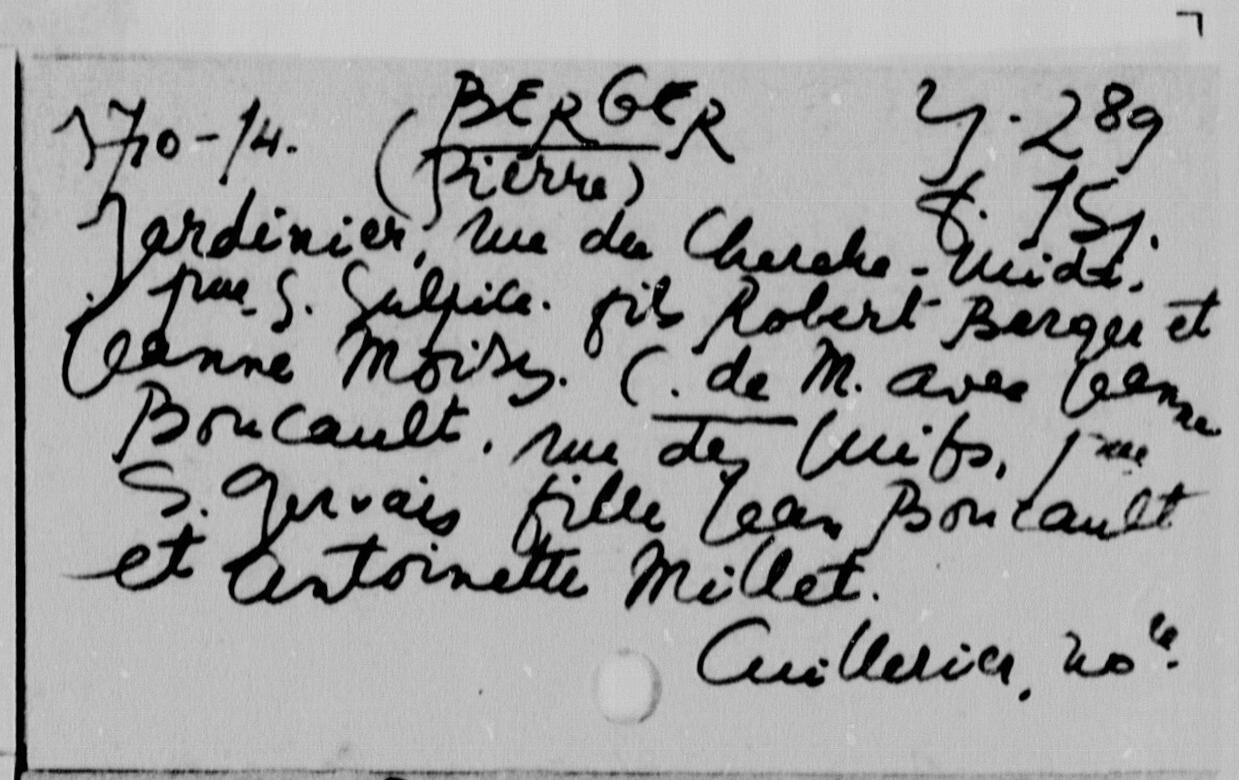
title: BERGER (Pierre)
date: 1710-1714
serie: Y
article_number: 289
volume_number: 151
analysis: Jardinier, rue du Cherche-Midi, paroisse Saint-Sulpice. Fils Robert Berger et Jeanne Moisy. Contrat de mariage avec Jeanne Boucault, rue des Juifs, paroisse Saint-Gervais fille Jean Boucault et Antoinette Millet. Cuillerier, notaire
